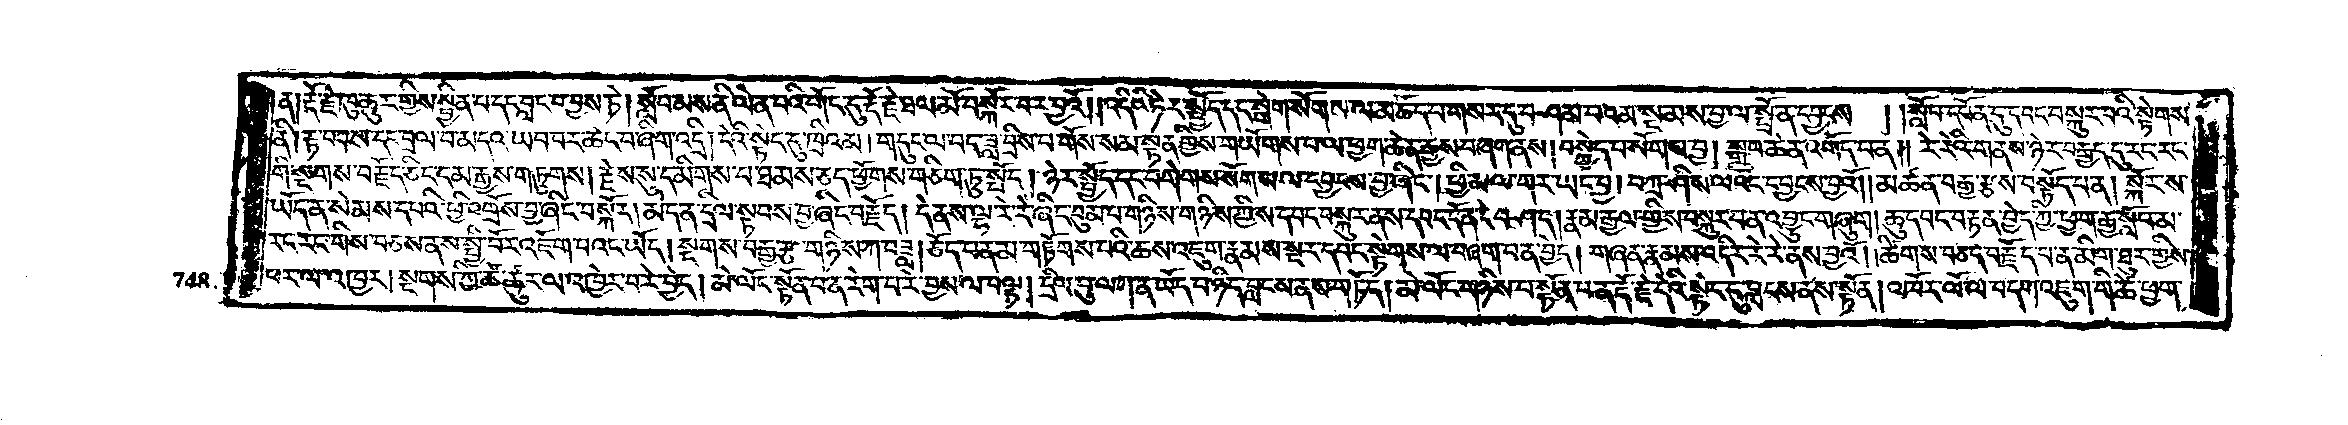ན། རྡོ་རྗེ་ཁུ་ཚུར་གྱིས་སྦྱིན་པ་དང་བླང་བ་བྱས་ཏེ། སློབ་མས་ནི་ལེན་པའི་གོང་དུ་རྡོ་རྗེ་ཐལ་མོ་བསྐོར་བར་བྱའོ། །འདིའི་ཏེར་སྤྱོད་དང་སྒེག་སོགས་ལ་མཆོད་པ་གསར་དུ་བཤམ་པའམ་སྔ་མས་བྱ་ལ་སྤྲོ་ན་དབྱངས། །སློབ་དཔོན་དུ་དབང་བསྐུར་བའི་སྟེགས་
ནི། རྟ་བབས་དང་བྲལ་བ་མདའ་ཡབ་བར་ཚང་བ་ཞིག་འདྲི། དེའི་སྟེང་དུ་ཁྲིའམ། གདུང་ལ་པད་ཟླ་བྲིས་པ་གོས་སམ་སྟན་གྱིས་གཡོགས་པ་ལ་ཕྱག་ཆེན་རྒྱས་བཞག་ནས། བསྐྱེད་པ་སོགས་བྱ། སྒྲུབ་ཆེན་འགོད་པ་ན། །རེ་རེའི་གནས་ཉེར་བརྒྱད་དུ་རང་རང་
གི་སྔགས་བརྗོད་ཅིང་དམ་རྒྱས་གཏུགས། རྗེས་སུ་དམིགས་པ་ཐམས་ཅད་ཕྱོགས་གཅིག་ཏུ་སྤོང་། ཉེར་སྤྱོད་དང་བགེགས་སོགས་ལ་དབྱངས་བྱ་ཞིང་། ཕྱི་མ་ལ་གར་ཡང་བྱ། བཀྲ་ཤིས་ལའང་དབྱངས་བྱའོ། །མཚན་བརྒྱ་རྩས་བསྟོད་པ་ན། སྐོར་ས་
ཡོད་ན་སེམས་དཔའི་ཕྱི་འགྲོས་བྱ་ཞིང་བསྐོར། མེད་ན་དྲིལ་སྟབས་བྱ་ཞིང་བརྗོད། དེ་ནས་ལྷ་རེ་རེ་ཞིང་བུམ་པ་གཉིས་གཉིས་ཀྱིས་དབང་བསྐུར་ནས་དབང་དོན་དེ་བཤད། རྣམ་རྒྱལ་གྱིས་བསྐུར་བ་ན་འབྱུང་གཞུག །ཆུ་དབང་བརྟན་བྱེད་ཀྱི་ཕྱག་རྒྱ་སློབ་མ་
རང་རང་གིས་བཅས་ནས་སྤྱི་བོར་འཇོག་པའང་ཡོད། སྔགས་བརྒྱ་རྩ་གཉིས་ཀ་བཟླ། ཅོད་པན་མ་གཏོགས་པའི་ཆོས་འཇུག་རྣམས་སྔར་དབང་སྟེགས་ལ་བཞག་པ་ན་བྱེད། གཞན་རྣམས་འདིར་རེ་རེ་ནས་བྱའོ། །ཚིགས་བཅད་བརྗོད་པ་ན་མིག་ཐུར་གྱིས་
ཕར་ལ་འཁྱེར། སྔགས་ཀྱི་ཚེ་ཚུར་ལ་འཁྱེར་བ་རེ་བྱེད། མེ་ལོང་སྟོན་པ་ན་རེག་པར་བྱས་ལ་བལྟ། དྲིལ་བུ་ལག་ན་ཡོད་པ་ཉིད་བླངས་ནས་གཏོད། མེ་ལོང་གཉིས་པ་སྟོན་པ་ན་རྡོ་རྗེ་དེའི་སྟེང་དུ་བླངས་ནས་སྟོན། འཁོར་ལོ་ལ་བདག་འཇུག་གི་ཚེ་ཕྱག་